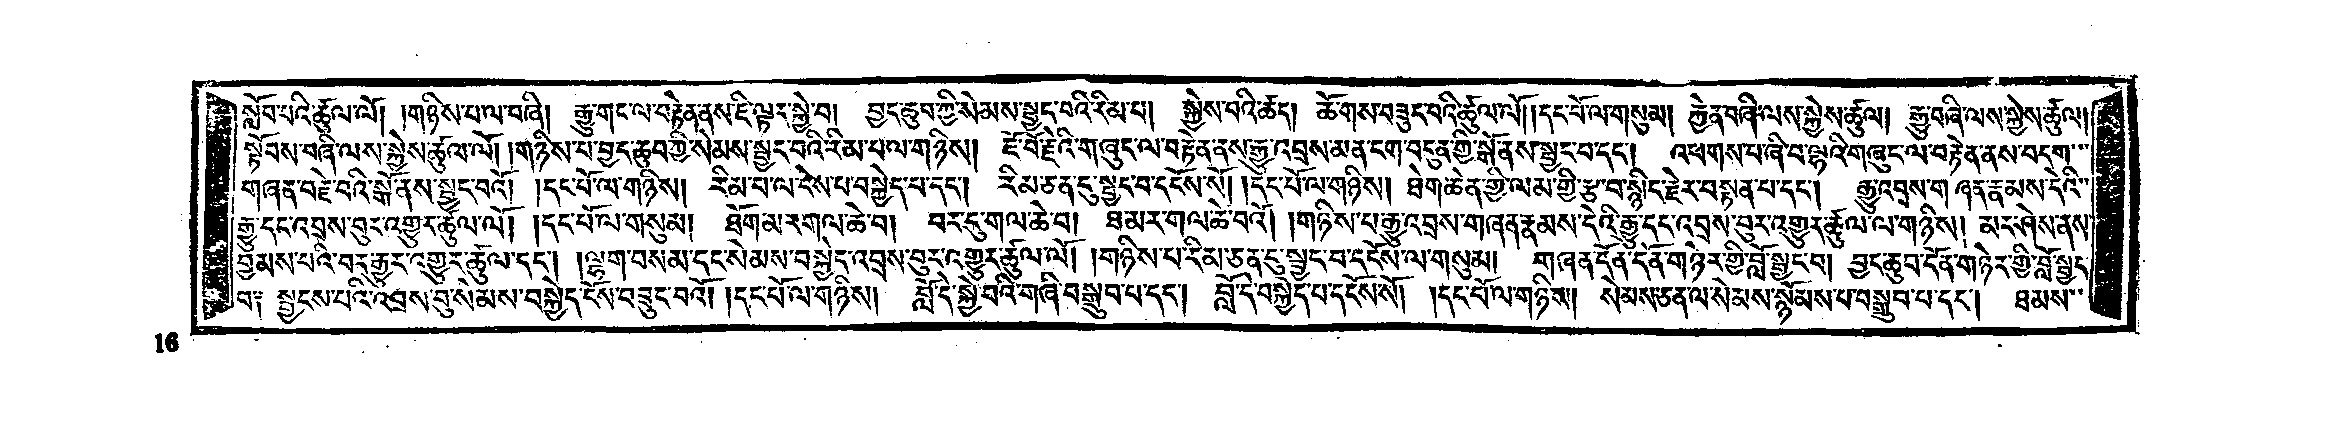སློབ་པའི་ཚུལ་ལོ། །གཉིས་པ་ལ་བཞི། རྒྱུ་གང་ལ་བརྟེན་ནས་ཇི་ལྟར་སྐྱེ་བ། བྱང་ཆུབ་ཀྱི་སེམས་སྦྱང་བའི་རིམ་པ། སྐྱེས་པའི་ཚད། ཆོ་གས་བཟུང་བའི་ཚུལ་ལོ། །དང་པོ་ལ་གསུམ། རྐྱེན་བཞི་ལས་སྐྱེས་ཚུལ། རྒྱུ་བཞི་ལས་སྐྱེས་ཚུལ།
སྟོབས་བཞི་ལས་སྐྱེས་ཚུལ་ལོ། །གཉིས་པ་བྱང་ཆུབ་ཀྱི་སེམས་སྦྱང་བའི་རིམ་པ་ལ་གཉིས། ཇོ་བོ་རྗེའི་གཞུང་ལ་བརྟེན་ནས་རྒྱུ་འབྲས་མན་ངག་བདུན་གྱི་སྒོ་ནས་སྦྱང་བ་དང་། འཕགས་པ་ཞི་བ་ལྷའི་གཞུང་ལ་བརྟེན་ནས་བདག་
གཞན་བརྗེ་བའི་སྒོ་ནས་སྦྱང་བའོ། །དང་པོ་ལ་གཉིས། རིམ་པ་ལ་ངེས་པ་བསྐྱེད་པ་དང་། རིམ་ཅན་དུ་སྦྱང་བ་དངོས་སོ། །དང་པོ་ལ་གཉིས། ཐེག་ཆེན་གྱི་ལམ་གྱི་རྩ་བ་སྙིང་རྗེར་བསྟན་པ་དང་། རྒྱུ་འབྲས་གཞན་རྣམས་དེའི་
རྒྱུ་དང་འབྲས་བུར་འགྱུར་ཚུལ་ལོ། །དང་པོ་ལ་གསུམ། ཐོག་མར་གལ་ཆེ་བ། བར་དུ་གལ་ཆེ་བ། ཐ་མར་གལ་ཆེ་བའོ། །གཉིས་པ་རྒྱུ་འབྲས་གཞན་རྣམས་དེའི་རྒྱུ་དང་འབྲས་བུར་འགྱུར་ཚུལ་ལ་གཉིས། མར་ཤེས་ནས་
བྱམས་པའི་བར་རྒྱུར་འགྱུར་ཚུལ་དང་། །ལྷག་བསམ་དང་སེམས་བསྐྱེད་འབྲས་བུར་འགྱུར་ཚུལ་ལོ། །གཉིས་པ་རིམ་ཅན་དུ་སྦྱང་བ་དངོས་ལ་གསུམ། གཞན་དོན་དོན་གཉེར་གྱི་བློ་སྦྱང་བ། བྱང་ཆུབ་དོན་གཉེར་གྱི་བློ་སྦྱང་
བ༑ སྦྱངས་པའི་འབྲས་བུ་སེམས་བསྐྱེད་ངོས་བཟུང་བའོ། །དང་པོ་ལ་གཉིས། བློ་དེ་སྐྱེ་བའི་གཞི་བསྒྲུབ་པ་དང་། བློ་དེ་བསྐྱེད་པ་དངོས་སོ། །དང་པོ་ལ་གཉིས། སེམས་ཅན་ལ་སེམས་སྙོམས་པ་བསྒྲུབ་པ་དང་། ཐམས་